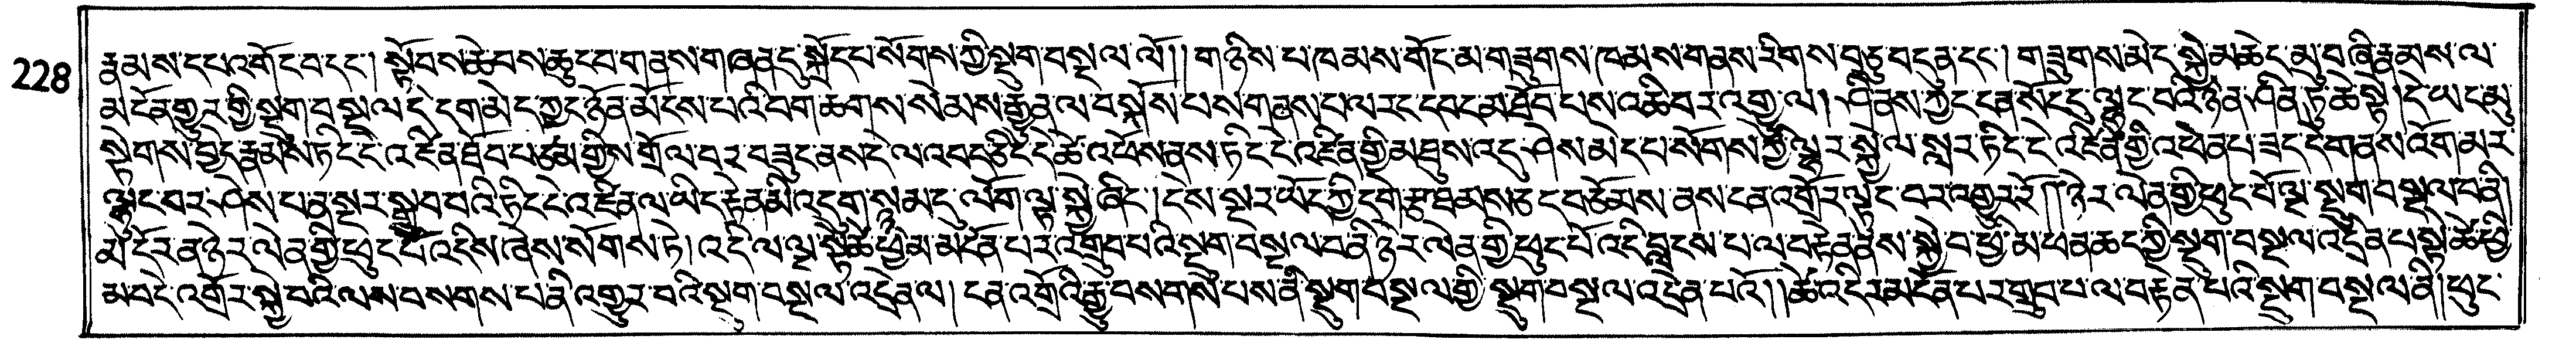རྣམས་དཔའ་གོང་བ་དང་། སྟོབས་ཆེ་བས་ཆུང་བ་གནས་གཞན་དུ་སྐྲོད་པ་སོགས་ཀྱི་སྡུག་བསྔལ་ལོ། །གཉིས་པ་ཁམས་གོང་མ་གཟུགས་ཁམས་གནས་རིགས་བཅུ་བདུན་དང་། གཟུགས་མེད་སྐྱེ་མཆེད་མེ་བཞི་རྣམས་ལ་
མངོན་གྱུར་གྱི་སྡུག་བསྔལ་དེ་དག་མེད་ཀྱང་ཉོན་མོངས་པའི་བག་ཆགས་སེམས་རྒྱུན་ལ་བསྐོས་པས་གནས་པ་ལ་རང་དབང་མ་ཐོབ་པས་འཆི་བར་འགྱུ་ལ། ཤི་ནས་ཀྱང་ངན་སོང་དུ་ལྷུང་བའི་ཉེན་ཤིན་ཏུ་ཆེ་སྟེ། དེ་ཡང་མུ་
སྟེགས་བྱེད་རྣམས་ཏིང་ངེ་འཛིན་ཐོབ་པ་ཙམ་གྱིས་གྲོལ་བར་བཟུང་ནས་དེ་ལ་འབད་ཅིང་དེ་ཚེ་འཕོས་ནས་ཏིང་ངེ་འཛིན་གྱི་མཐུས་འདུ་ཤེས་མེད་པ་སོགས་ཀྱི་ལྷར་སྐྱེ་ལ་སླར་ཏིང་ངེ་འཛིན་གྱི་འཕེན་པ་ཟད་དེ་གནས་འོག་མར་
ལྷུང་བར་ཤེས་པ་ན་སྔར་སྒྲུབ་པའི་ཏིང་ངེ་འཛིན་ལ་ཡིད་རྟེན་མི་འདུག་སྙམ་དུ་ལོག་ལྟ་སྐྱེ་ཞིང་། དེས་སྔར་ཡོད་ཀྱི་དགེ་རྩ་ཐམས་ཅད་བཅོམས་ནས་ངན་འགྲོར་ལྟུང་བར་འགྱུར་རོ། །ཉེར་ལེན་གྱི་ཕུང་པོ་ལྔ་སྡུག་བསྔལ་བ་ནི།
མདོར་ན་ཉེར་ལེན་གྱི་ཕུང་པོ་འདིས་ཞེས་སོགས་ཏེ། འདི་ལ་ལྔ་སྟེ་ཚེ་ཕྱི་མ་མངོན་པར་འགྲུབ་པའི་སྡུག་བསྔལ་བ་ནི་ཉེར་ལེན་གྱི་ཕུང་པོ་འདི་བླངས་པ་ལ་བརྟེན་ནས་སྐྱེ་བ་ཕྱི་མ་ཕན་ཆད་ཀྱི་སྡུག་བསྔལ་འདྲེན་པ་སྟེ་ཚེ་ཕྱི་
མ་བདེ་འགྲོར་སྐྱེ་བའི་ལས་བསགས་པ་ནི་འགྱུར་བའི་སྡུག་བསྔལ་འདྲེན་ལ། ངན་འགྲོའི་རྒྱུ་བསགས་པས་ནི་སྡུག་བསྔལ་གྱི་སྡུག་བསྔལ་འདྲེན་པའོ། །ཚེ་འདིར་མངོན་པར་གྲུབ་པ་ལ་བརྟེན་པའི་སྡུག་བསྔལ་ནི། ཕུང་